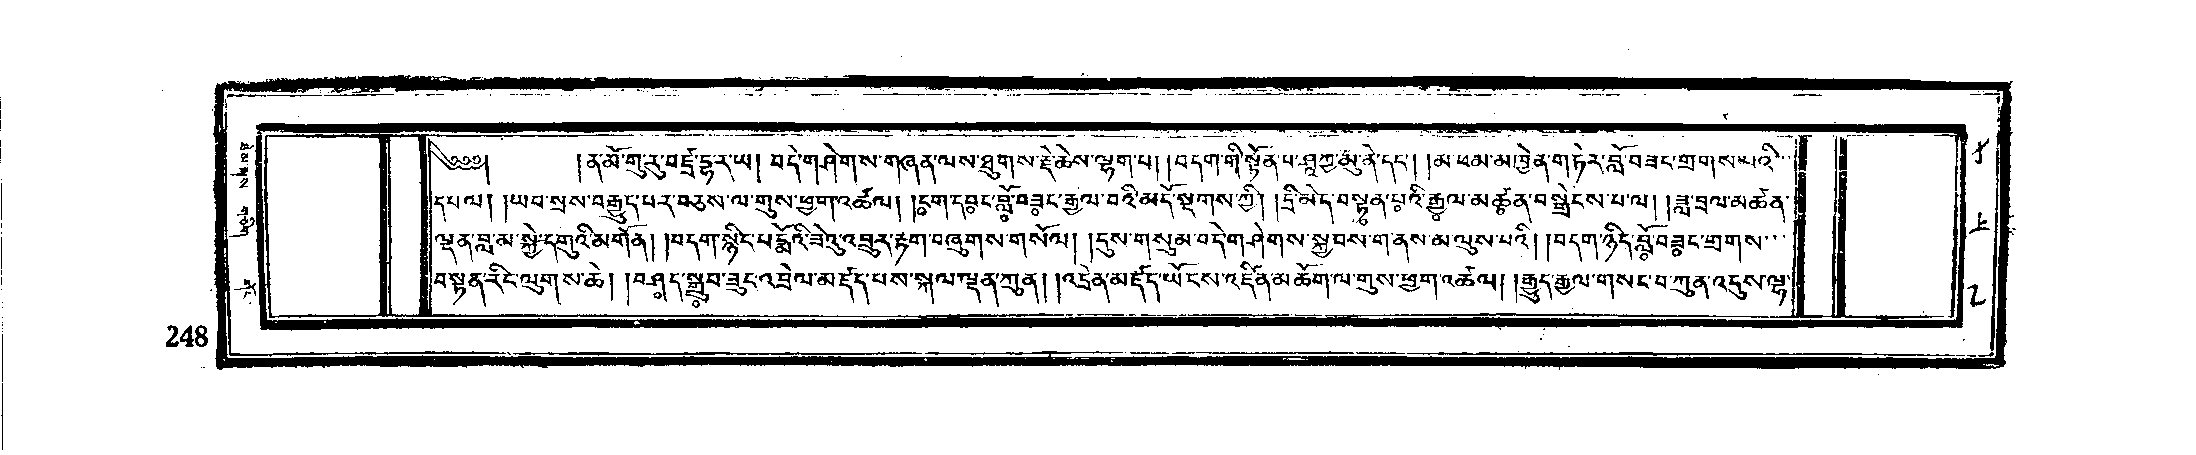༄༅༅། །ན་མོ་གུ་རུ་བཛྲ་དྷ་ར་ཡ། བདེ་གཤེགས་གཞན་ལས་ཐུགས་རྗེ་ཆེས་ལྷག་པ། །བདག་གི་སྟོན་པ་ཤཱཀྱ་མུ་ནེ་དང་། །མ་ཕམ་མཁྱེན་གཏེར་བློ་བཟང་གྲགས་པའི་
དཔལ། །ཡབ་སྲས་བརྒྱུད་པར་བཅས་ལ་གུས་ཕྱག་འཚལ། །ངག྾་དབང྾་བློ྾་བཟང྾་རྒྱལ་བའི་མདོ་སྔགས་ཀྱི། །དྲི་མེད་བསྟན྾་པའི྾་རྒྱལ྾་མཚན྾་བསྒྲེངས་པ་ལ། །ཟླ་བྲལ་མཚན་
ལྡན་བླ་མ་སྐྱེ་དགུའི་མགོན། །བདག་སྙིང་པདམོའི་ཟེའུ་འབྲུར་རྟག་བཞུགས་གསོལ། །དུས་གསུམ་བདེ་གཤེགས་སྐྱབས་གནས་མ་ལུས་པའི། །བདག་ཉིད་བློ྾་བཟང྾་གྲགས་
བསྟན་རིང་ལུགས་ཆེ། །བཤད྾་སྒྲུབ྾་ཟུང་འབྲེལ་མཛད་པས་སྐལ་ལྡན་ཀུན། །འདྲེན་མཛད་ཡོངས་འཛིན་མཆོག་ལ་གུས་ཕྱག་འཚལ། །རྒྱུད་རྒྱལ་གསང་བ་ཀུན་འདུས་ལྷ་